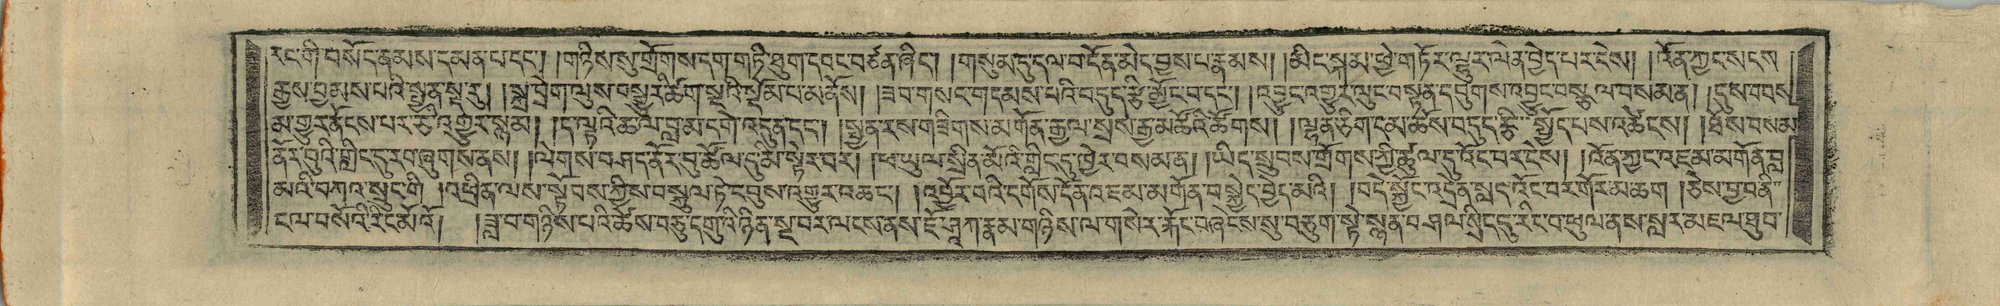རང་གི་བསོད་ནམས་དམན་པ་དང་། །གཉིས་སུ་གྲོགས་དག་གཏི་ཐུག་དབང་བཙན་ཞིང་། །གསུམ་དུ་དལ་བ་དོན་མེད་བྱས་པ་རྣམས། །མིང་སྐམ་ཕྱེ་གཏོར་ལྷུར་ལེན་བྱེད་པར་ངེས། །འོན་ཀྱང་སངས་
རྒྱས་བྱམས་པའི་སྤྱན་སྔ་རུ། །སྐྲ་བྲེག་ལུས་བསྒྱུར་ཚིག་སྔའི་སྡོམ་པ་མནོས། །ཟབ་གསང་གདམས་པའི་བདུད་རྩི་མྱོང་བ་དང་། །འབྱུང་འགྱུར་ལུང་བསྟན་དབུགས་འབྱུང་བསྩལ་བསམ་ན། །དུས་བབས་
མ་གྱུར་ནོངས་པར་ཅི་འགྱུར་སྙམ། །ད་ལྟའི་ཆ་ལ་བླ་མ་དགེ་འདུན་དང་། །སྤྱན་རས་གཟིགས་མགོན་རྒྱལ་སྲས་རྒྱ་མཚོའི་ཚོགས། །ལྷན་ཅིག་ངམ་ཆོས་བདུད་རྩི་སྤྱོད་པས་འཚེངས། །ཐོས་བསམ་
ནོར་བུའི་གླིང་དུ་རབ་ཞུགས་ནས། །ལེགས་བཤད་ནོར་བུ་ཚོལ་དུ་མི་སྟེར་བར། །ཕ་ཡུལ་སྲིན་མོའི་གླིང་དུ་ཁྱེར་བསམ་ན། །ཡིད་སྲུབས་གྲོགས་ཀྱི་ཚུལ་དུ་འོང་བར་ངེས། །འོན་ཀྱང་འཇམ་མགོན་བླ་
མའི་བཀའ་སྲུང་གི །འཕྲིན་ལས་སྟོབས་ཀྱིས་བསྐུལ་ཏེ་དབུས་འགྱུར་འཆང་། །འབྱོར་བའི་དགོས་དོན་འཇམ་མགོན་བསྐྱེད་བྱེད་མའི། །བདེ་སྐྱོང་འདྲེན་སླད་འོང་བར་གོར་མ་ཆག །ཅེས་བྱ་བ་ནི་
ངལ་བསོའི་རིང་མོའོ། །ཟླ་བ་གཉིས་པའི་ཚེས་བཅུ་དགུའི་ཉིན་སྔ་བར་ལངས་ནས་ཇོ་ཤཱཀ་རྣམ་གཉིས་ལ་གསེར་རྐོང་བཞེངས་སུ་བཅུག་སྟེ་སྙན་བཤལ་སྲིད་དུ་རིང་བ་ཕུལ་ནས་སླར་མཇལ་ཐུབ་